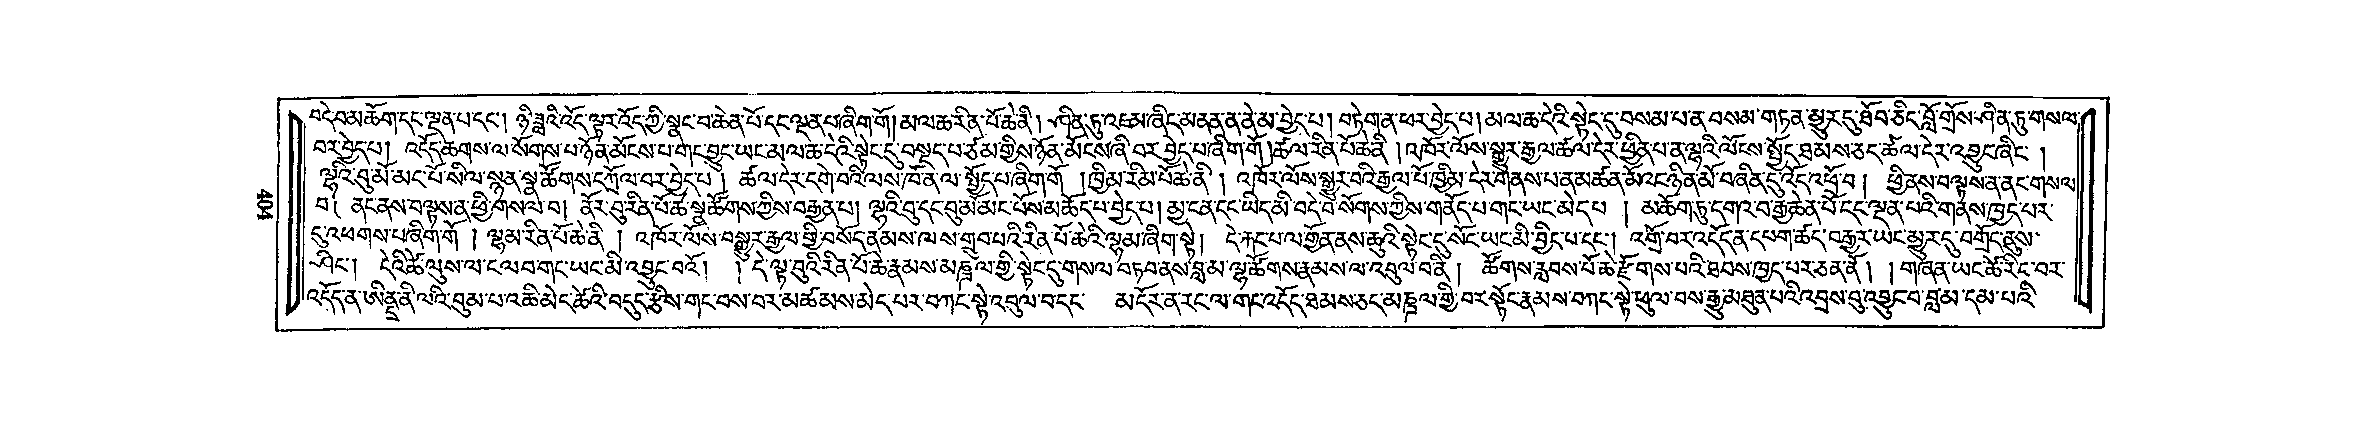བདེ་བ་མཆོག་དང་ལྡན་པ་དང་། ཉི་ཟླའི་འོད་ལྟར་འོད་ཀྱི་སྣང་བ་ཆེན་པོ་དང་ལྡན་པ་ཞིག་གོ །མལ་ཆ་རིན་པོ་ཆེ་ནི། ཤིན་ཏུ་འཇམ་ཞིང་མནན་ན་ནེ་མ་བྱེད་པ། བཏེག་ན་ཕར་བྱེད་པ། མལ་ཆ་དེའི་སྟེང་དུ་བསམ་པ་ན་བསམ་གཏན་མྱུར་དུ་ཐོབ་ཅིང་བློ་གྲོས་ཤིན་ཏུ་གསལ་
བར་བྱེད་པ། འདོད་ཆགས་ལ་སོགས་པ་ཉོན་མོངས་པ་གང་བྱུང་ཡང་མལ་ཆ་དེའི་སྟེང་དུ་བསྡད་པ་ཙམ་གྱིས་ཉོན་མོངས་ཞི་བར་བྱེད་པ་ཞིག་གོ །ཚལ་རིན་པོ་ཆེ་ནི། འཁོར་ལོས་སྒྱུར་རྒྱལ་ཚལ་དེར་ཕྱིན་པ་ན་ལྷའི་ལོངས་སྤྱོད་ཐམས་ཅད་ཚལ་དེར་འབྱུང་ཞིང་།
ལྷའི་བུ་མོ་མང་པོ་སིལ་སྙན་སྣ་ཚོགས་དཀྲོལ་བར་བྱེད་པ། ཚལ་དེར་དགེ་བའི་ལས་ཁོ་ན་ལ་སྤྱོད་པ་ཞིག་གོ །ཁྱིམ་རིམ་པོ་ཆེ་ནི། འཁོར་ལོས་སྒྱུར་བའི་རྒྱལ་པོ་ཁྱིམ་དེར་གནས་པ་ན་མཚན་མོའང་ཉིན་མོ་བཞིན་དུ་འོད་འཕྲོ་བ། ཕྱི་ནས་བལྟས་ན་ནང་གསལ་
བ། ནང་ནས་བལྟས་ན་ཕྱི་གསལ་བ། ནོར་བུ་རིན་པོ་ཆེ་སྣ་ཚོགས་ཀྱིས་བརྒྱན་པ། ལྷའི་བུ་དང་བུ་མོ་མང་པོས་མཆོད་པ་བྱེད་པ། མྱ་ངན་དང་ཡིད་མི་བདེ་བ་སོགས་ཀྱིས་གནོད་པ་གང་ཡང་མེད་པ། མཆོག་ཏུ་དགའ་བ་རྒྱ་ཆེན་པོ་དང་ལྡན་པའི་གནས་ཁྱད་པར་
དུ་འཕགས་པ་ཞིག་གོ །ལྷམ་རིན་པོ་ཆེ་ནི། འཁོར་ལོས་བསྒྱུར་རྒྱལ་གྱི་བསོད་ནམས་ལས་གྲུབ་པའི་རིན་པོ་ཆེའི་ལྷམ་ཞིག་སྟེ། དེ་རྐང་པ་ལ་གྱོན་ནས་ཆུའི་སྟེང་དུ་སོང་ཡང་མི་བྱིད་པ་དང་། འགྲོ་བར་འདོད་ན་དཔག་ཚད་བརྒྱར་ཡང་མྱུར་དུ་བགྲོད་ནུས་
ཤིང་། དེའི་ཚེ་ལུས་ལ་ངལ་བ་གང་ཡང་མི་འབྱུང་བའོ། །དེ་ལྟ་བུའི་རིན་པོ་ཆེ་རྣམས་མཎྜལ་གྱི་སྟེང་དུ་གསལ་བཏབ་ནས་བླ་མ་ལྷ་ཚོགས་རྣམས་ལ་འབུལ་བ་ནི། ཚོགས་རླབས་པོ་ཆེ་རྫོགས་པའི་ཐབས་ཁྱད་པར་ཅན་ནོ། །གཞན་ཡང་ཚེ་རིང་བར་
འདོད་ན་ཨིནྡྲ་ནི་ལའི་བུམ་པ་འཆི་མེད་ཚེའི་བདུད་རྩིས་གང་བས་བར་མཚམས་མེད་པར་བཀང་སྟེ་འབུལ་བ་དང་། མདོར་ན་རང་ལ་གང་འདོད་ཐམས་ཅད་མཎྜལ་གྱི་བར་སྟོང་རྣམས་བཀང་སྟེ་ཕུལ་བས་རྒྱུ་མཐུན་པའི་འབྲས་བུ་འབྱུང་བ་བླ་མ་དམ་པའི་